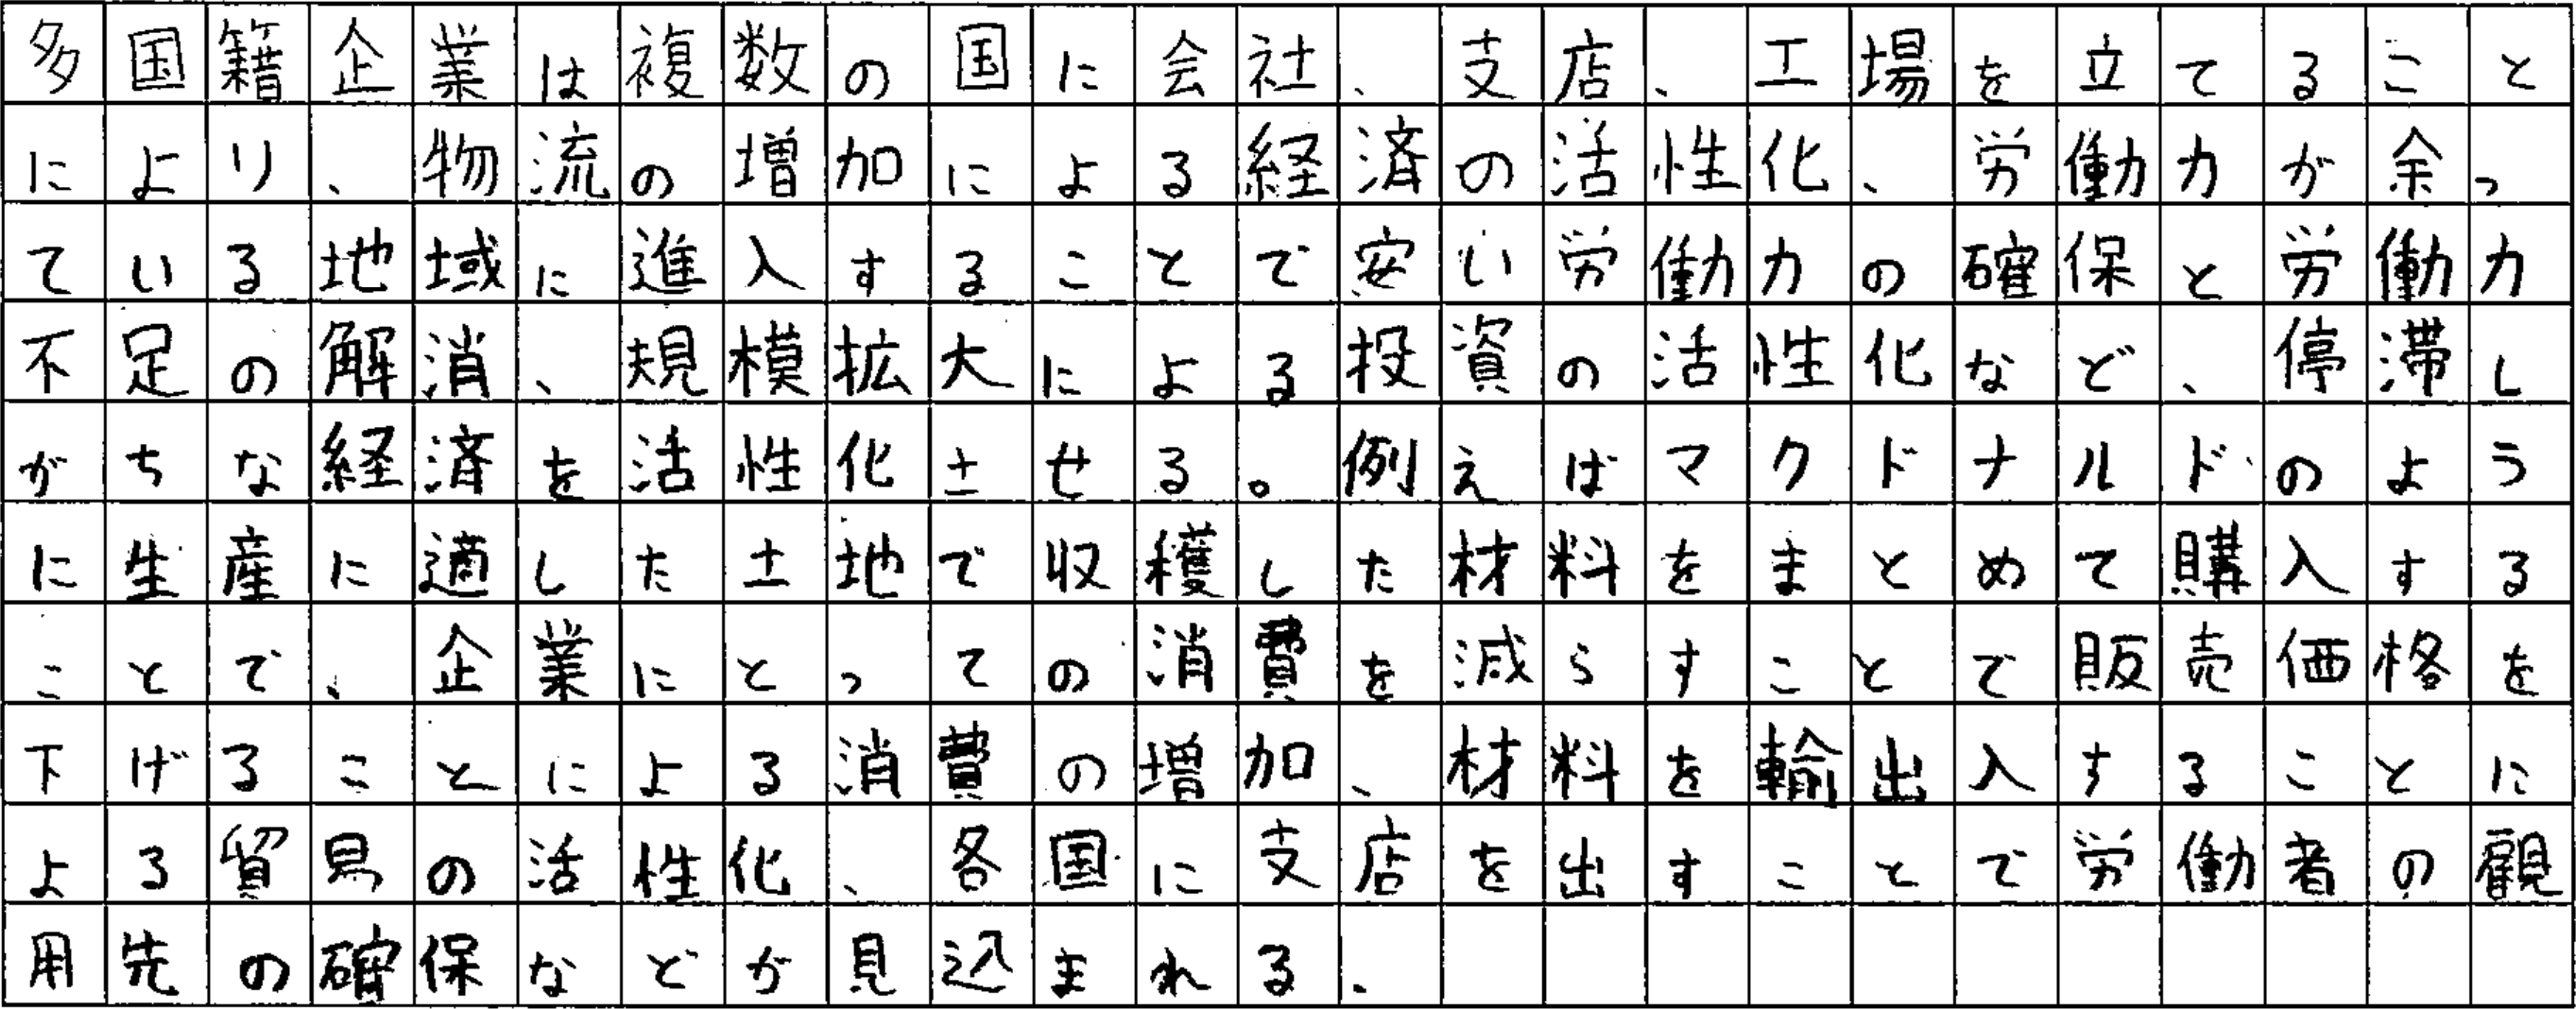多国籍企業は複数の国に会社、支店、工場を立てることにより、物流の増加による経済の活性化、労働力が余っている地域に進入することで安い労働力の▁保と労働力不足の解消、規模拡大による投資の活性化など、停滞しがちな経済を活性化させる。例えばマクドナルドのように生産に適した土地で収穫した材料をまとめて購入することで、企業にとっての消費を減らすことで販売価格を下げることによる消費の増加、材料を輸出入することによる貿易の活性化、各国に支店を出すことで労働力の顧用先の▁保などが見込まれる。
